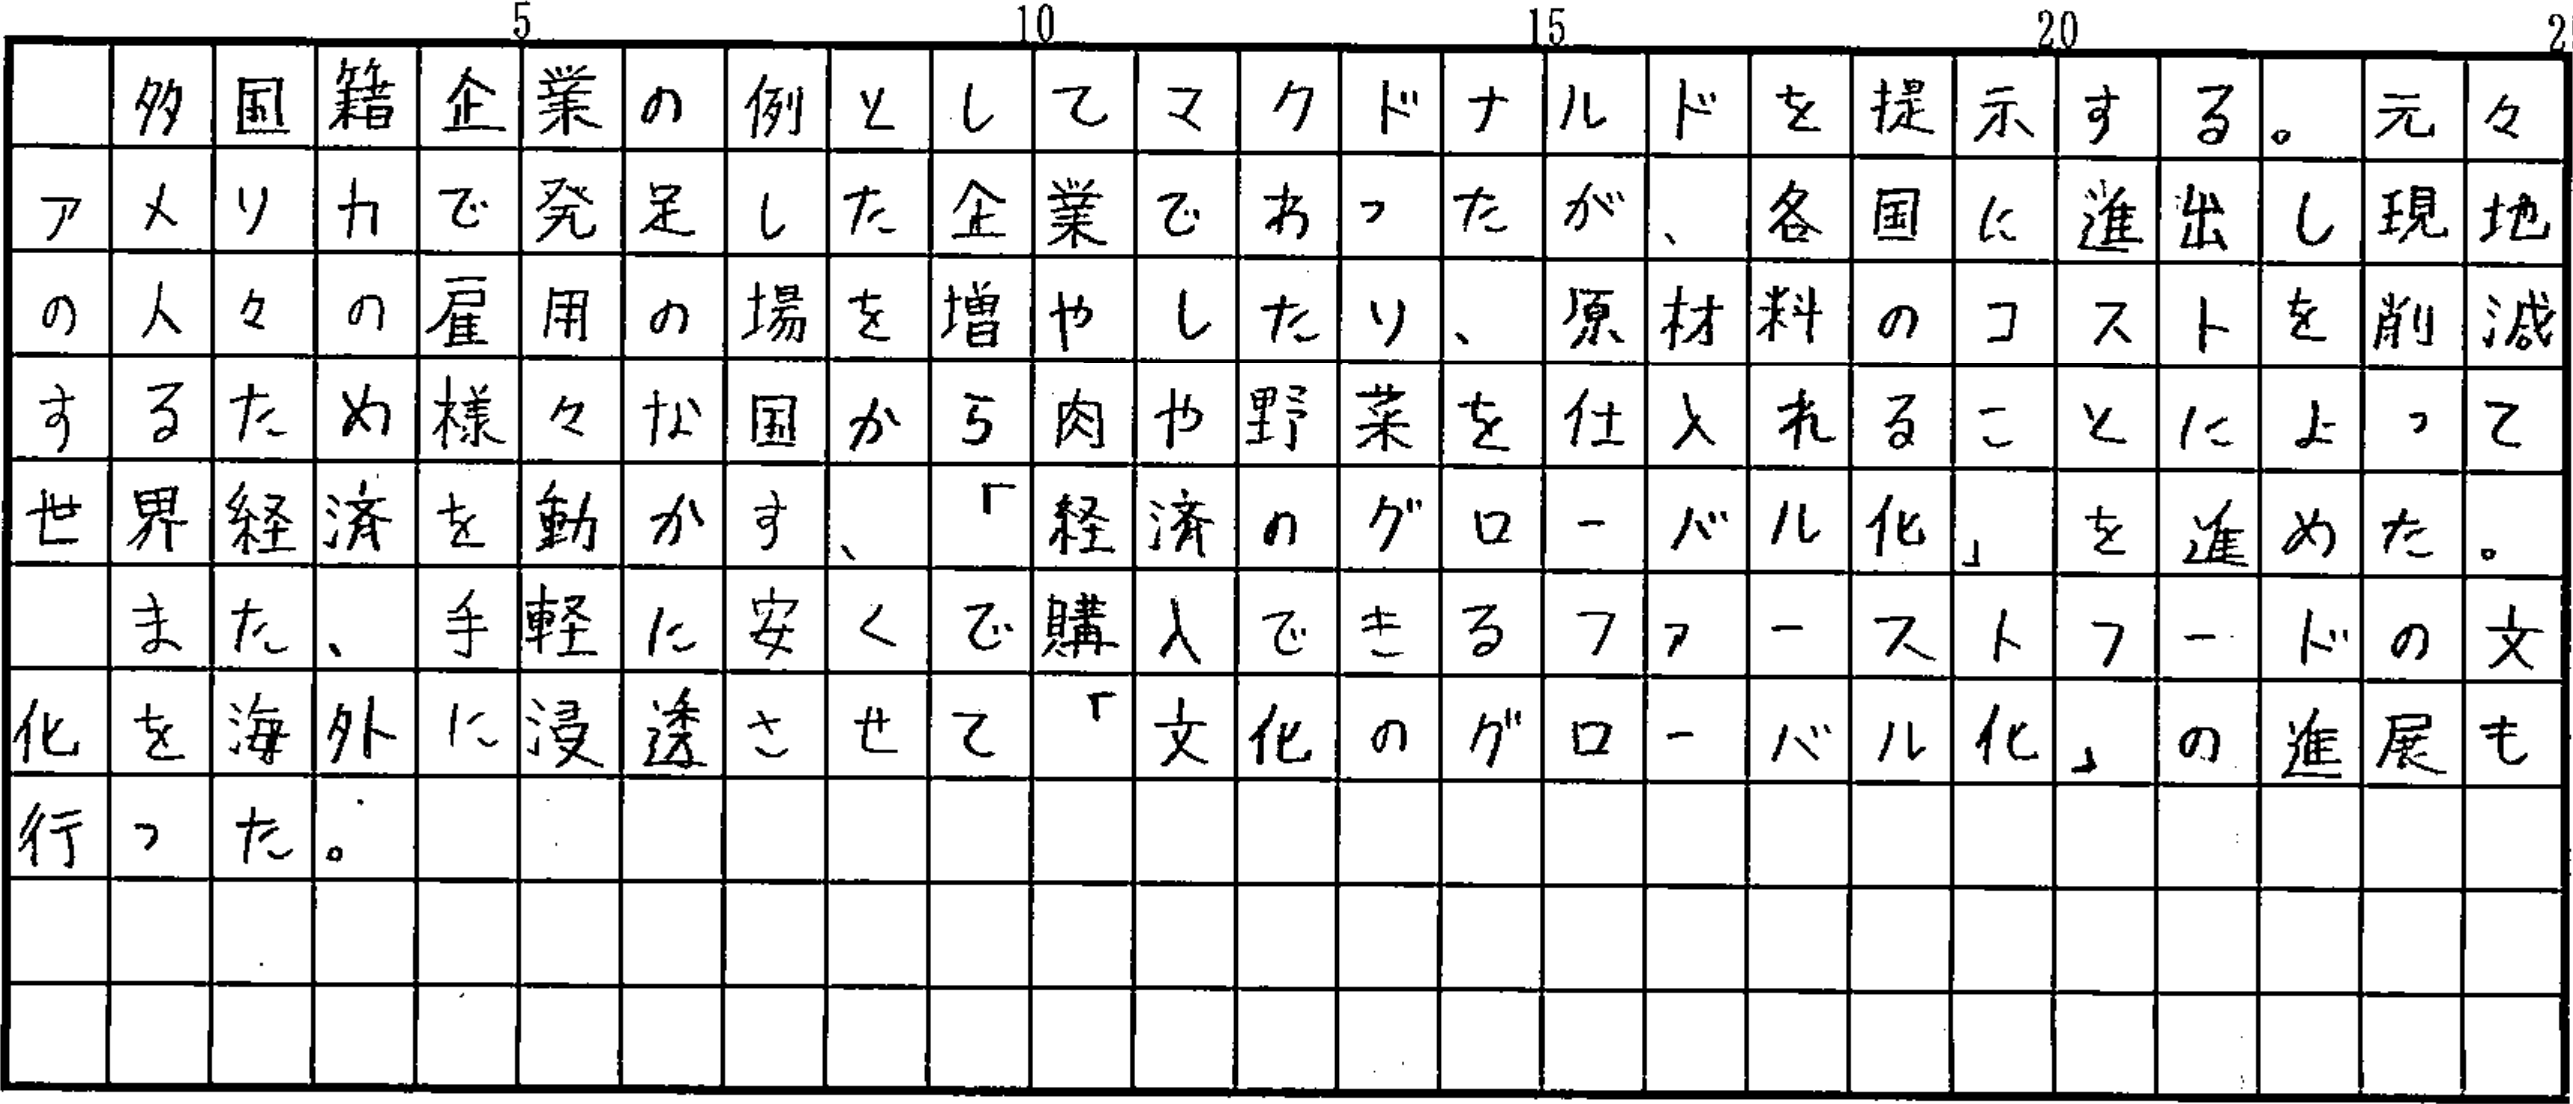　多国籍企業の例としてマクドナルドを提示する。元々アメリカで発足した企業であったが、各国に進出し現地の人々の雇用の場を増やしたり、原材料のコストを削減するため様々な国から肉や野菜を仕入れることによって世界経済を動かす、「経済のグローバル化」を進めた。
　また、手軽に安くで購入できるファーストフードの文化を海外に浸透させて「文化のグローバル化」の進展も行った。
